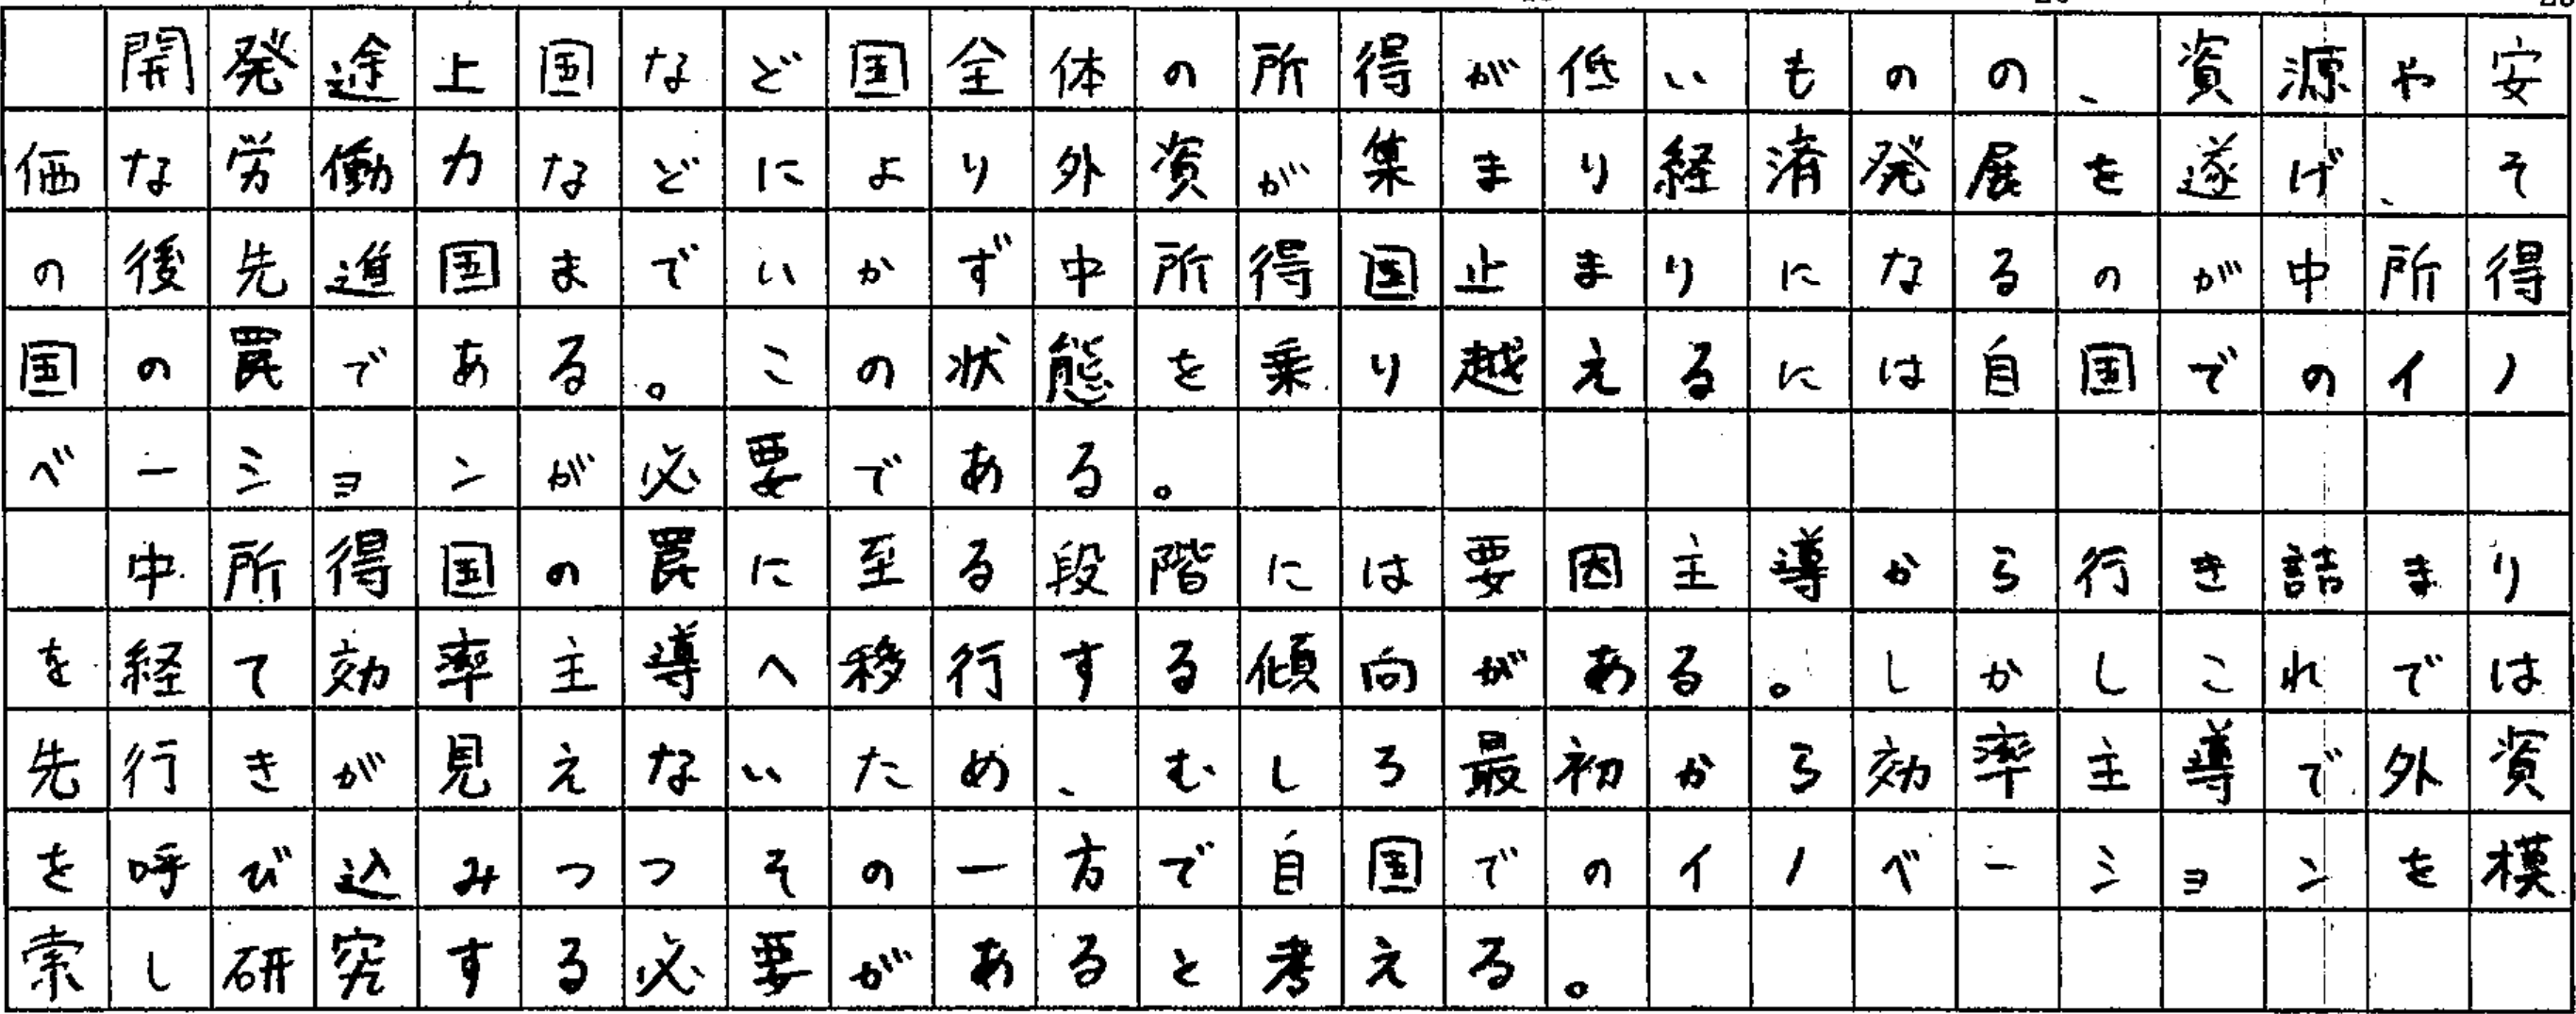　開発途上国など国全体の所得が低いものの、資源や安価な労働力などにより外資が集まり経済発展を遂げ、その後先進国までいかず中所得国止まりになるのが中所得国の罠である。この状態を乗り越えるには自国でのイノベーションが必要である。
　中所得国の罠に至る段階には要因主導から行き詰まりを経て効率主導へ移行する傾向がある。しかしこれでは先行きが見えないため、むしろ最初から効率主導で外資を呼び込みつつその一方で自国でのイノベーションを模索し研究する必要があると考える。
